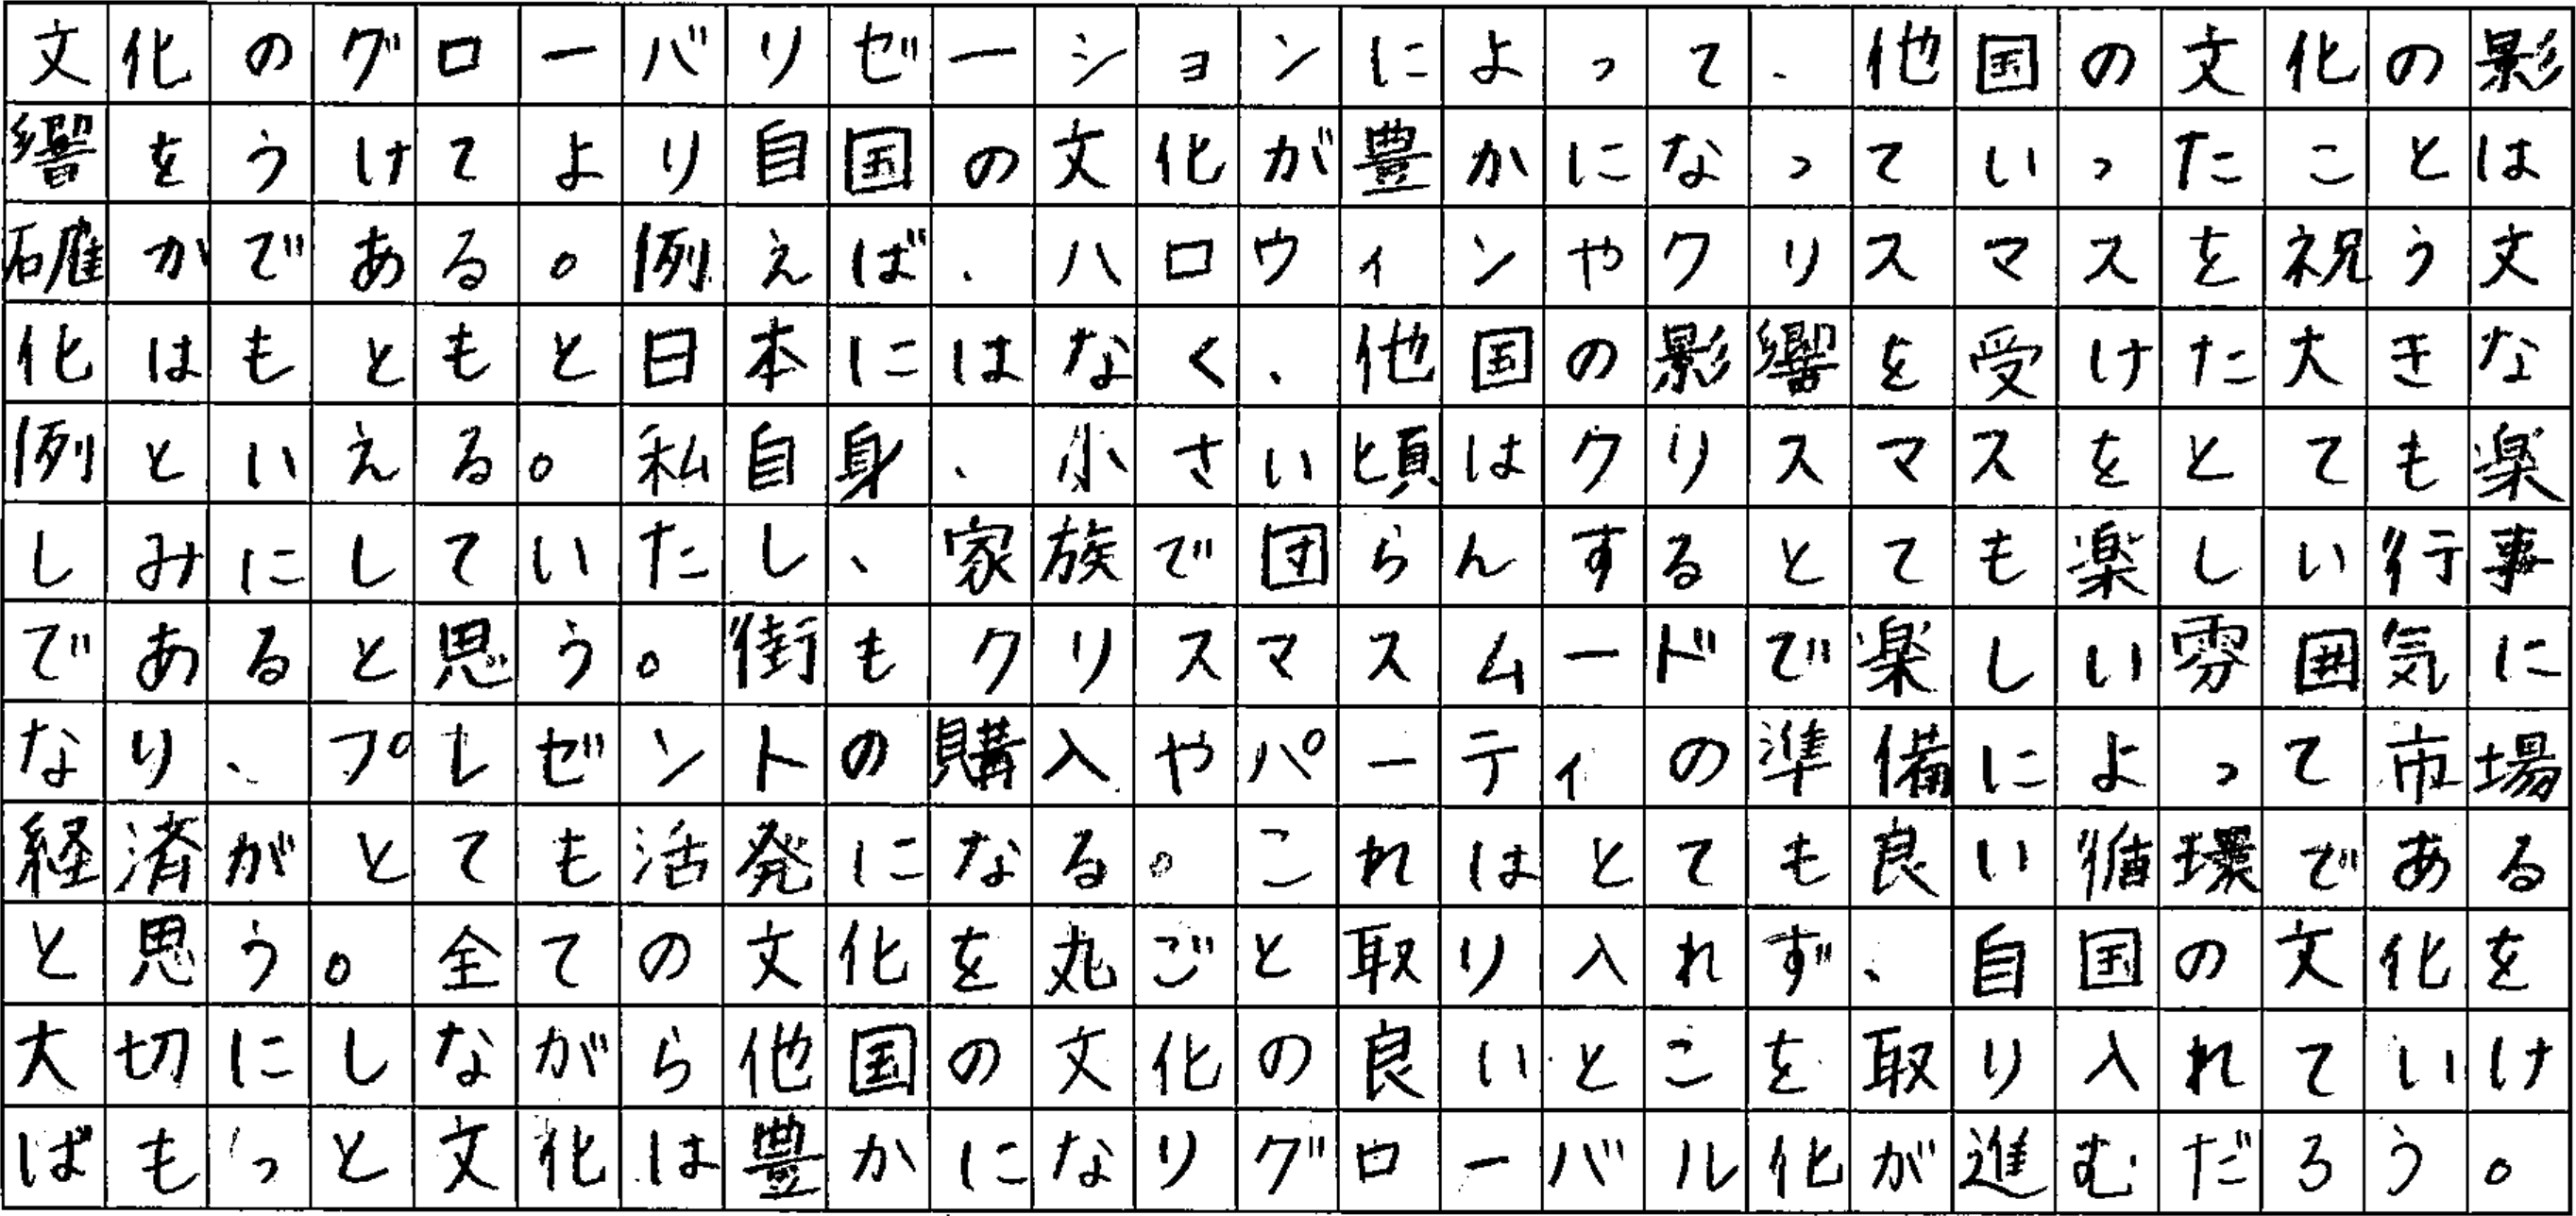文化のグローバリゼーションによって、他国の文化の影響をうけてより自国の文化が豊かになっていったことは確かである。例えば、ハロウィンやクリスマスを祝う文化はもともと日本にはなく、他国の影響を受けた大きな例といえる。私自身、小さい頃はクリスマスをとても楽しみにしていたし、家族で団らんするとても楽しい行事であると思う。街もクリスマスムードで楽しい雰囲気になり、プレゼントの購入やパーティの準備によって市場経済がとても活発になる。これはとても良い循環であると思う。全ての文化を丸ごと取り入れず、自国の文化を大切にしながら他国の文化の良いとこを取り入れていけばもっと文化は豊かになりグローバル化が進むだろう。
